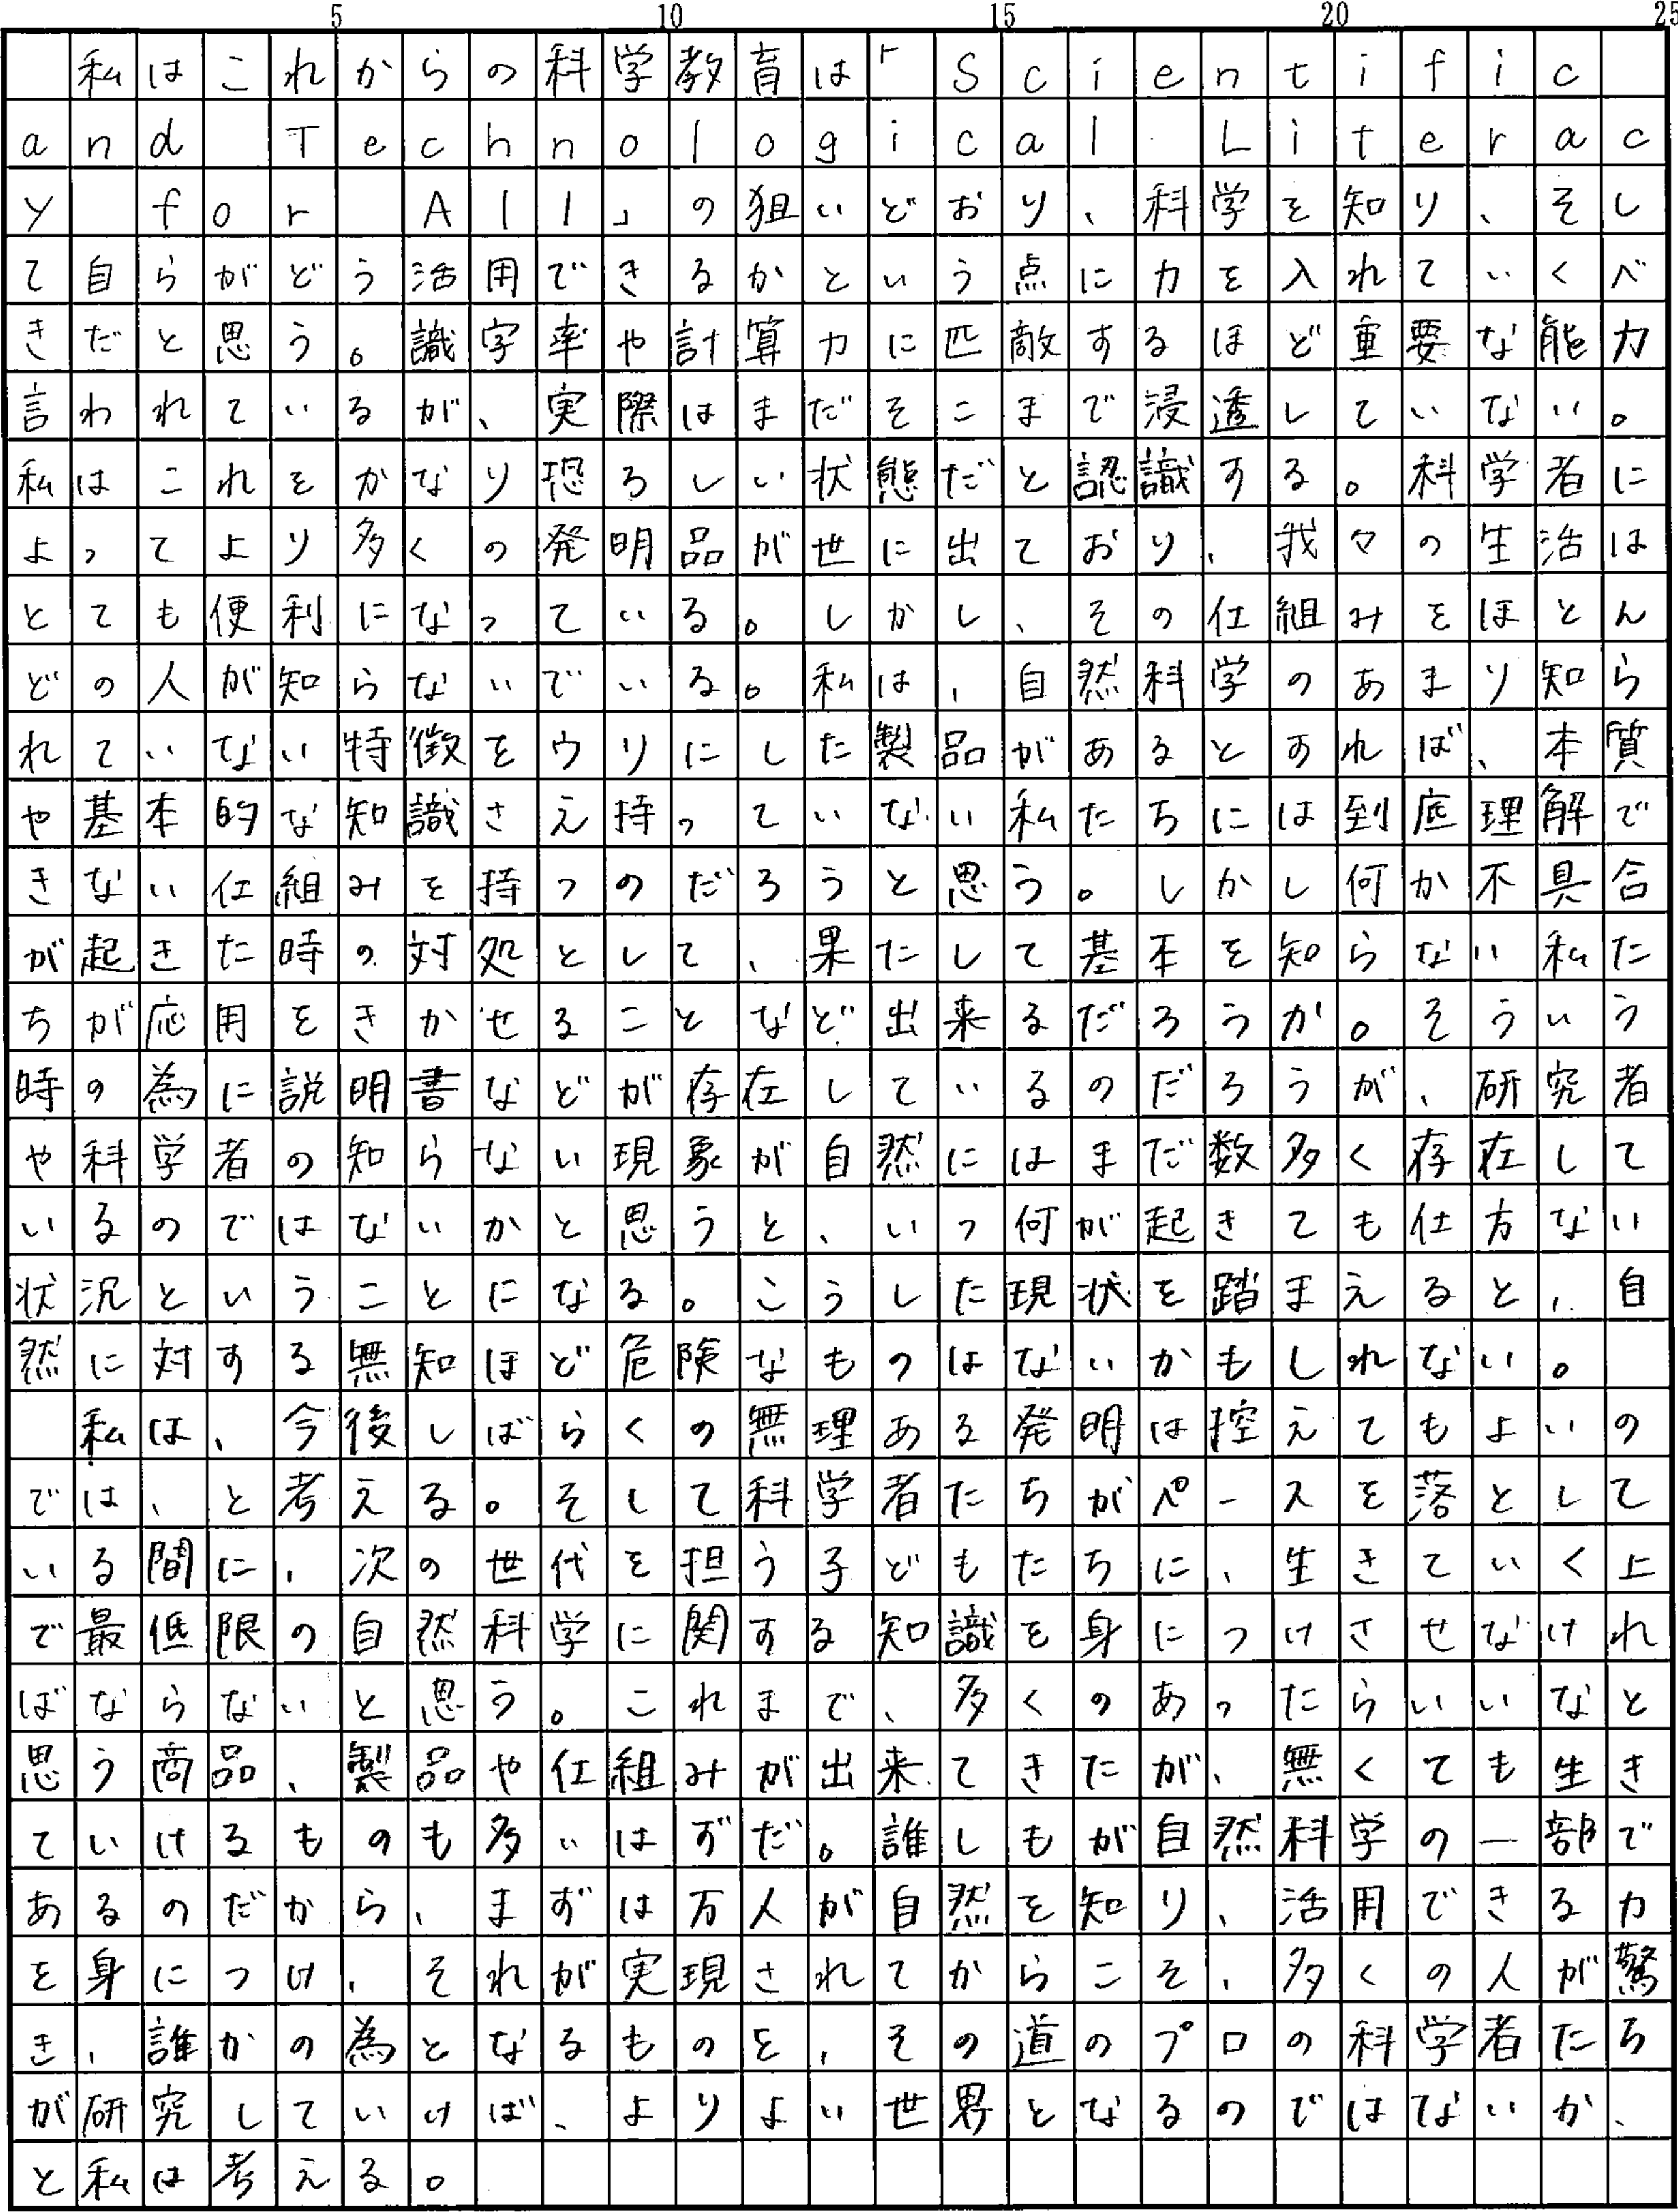　私はこれからの科学教育は「Ｓｃｉｅｎｔｉｆｉｃ　ａｎｄ　Ｔｅｃｈｎｏｌｏｇｉｃａｌ　Ｌｉｔｅｒａｃｙ　ｆｏｒ　Ａｌｌ」の狙いどおり、科学を知り、そして自らがどう活用できるかという点に力を入れていくべきだと思う。識字率や計算力に匹敵するほど重要な能力言われているが、実際はまだそこまで浸透していない。私はこれをかなり恐ろしい状態だと認識する。科学者によってより多くの発明品が世に出ており、我々の生活はとても便利になっている。しかし、その仕組みをほとんどの人が知らないでいる。私は、自然科学のあまり知られていない特徴をウリにした製品があるとすれば、本質や基本的な知識さえ持っていない私たちには到底理解できない仕組みを持つのだろうと思う。しかし何か不具合が起きた時の対処として、果たして基本を知らない私たちが応用をきかせることなど出来るだろうか。そういう時の為に説明書などが存在しているのだろうが、研究者や科学者の知らない現象が自然にはまだ数多く存在しているのではないかと思うと、いつ何が起きても仕方ない状況ということになる。こうした現状を踏まえると、自然に対する無知ほど危険なものはないかもしれない。
　私は、今後しばらくの無理ある発明は控えてもよいのでは、と考える。そして科学者たちがペースを落としている間に、次の世代を担う子どもたちに、生きていく上で最低限の自然科学に関する知識を身につけさせなければならないと思う。これまで、多くのあったらいいなと思う商品、製品や仕組みが出来てきたが、無くても生きていけるものも多いはずだ。誰しもが自然科学の一部であるのだから、まずは万人が自然を知り、活用できる力を身につけ、それが実現されてからこそ、多くの人が驚き、誰かの為となるものを、その道のプロの科学者たちが研究していけば、よりよい世界となるのではないか、と私は考える。
